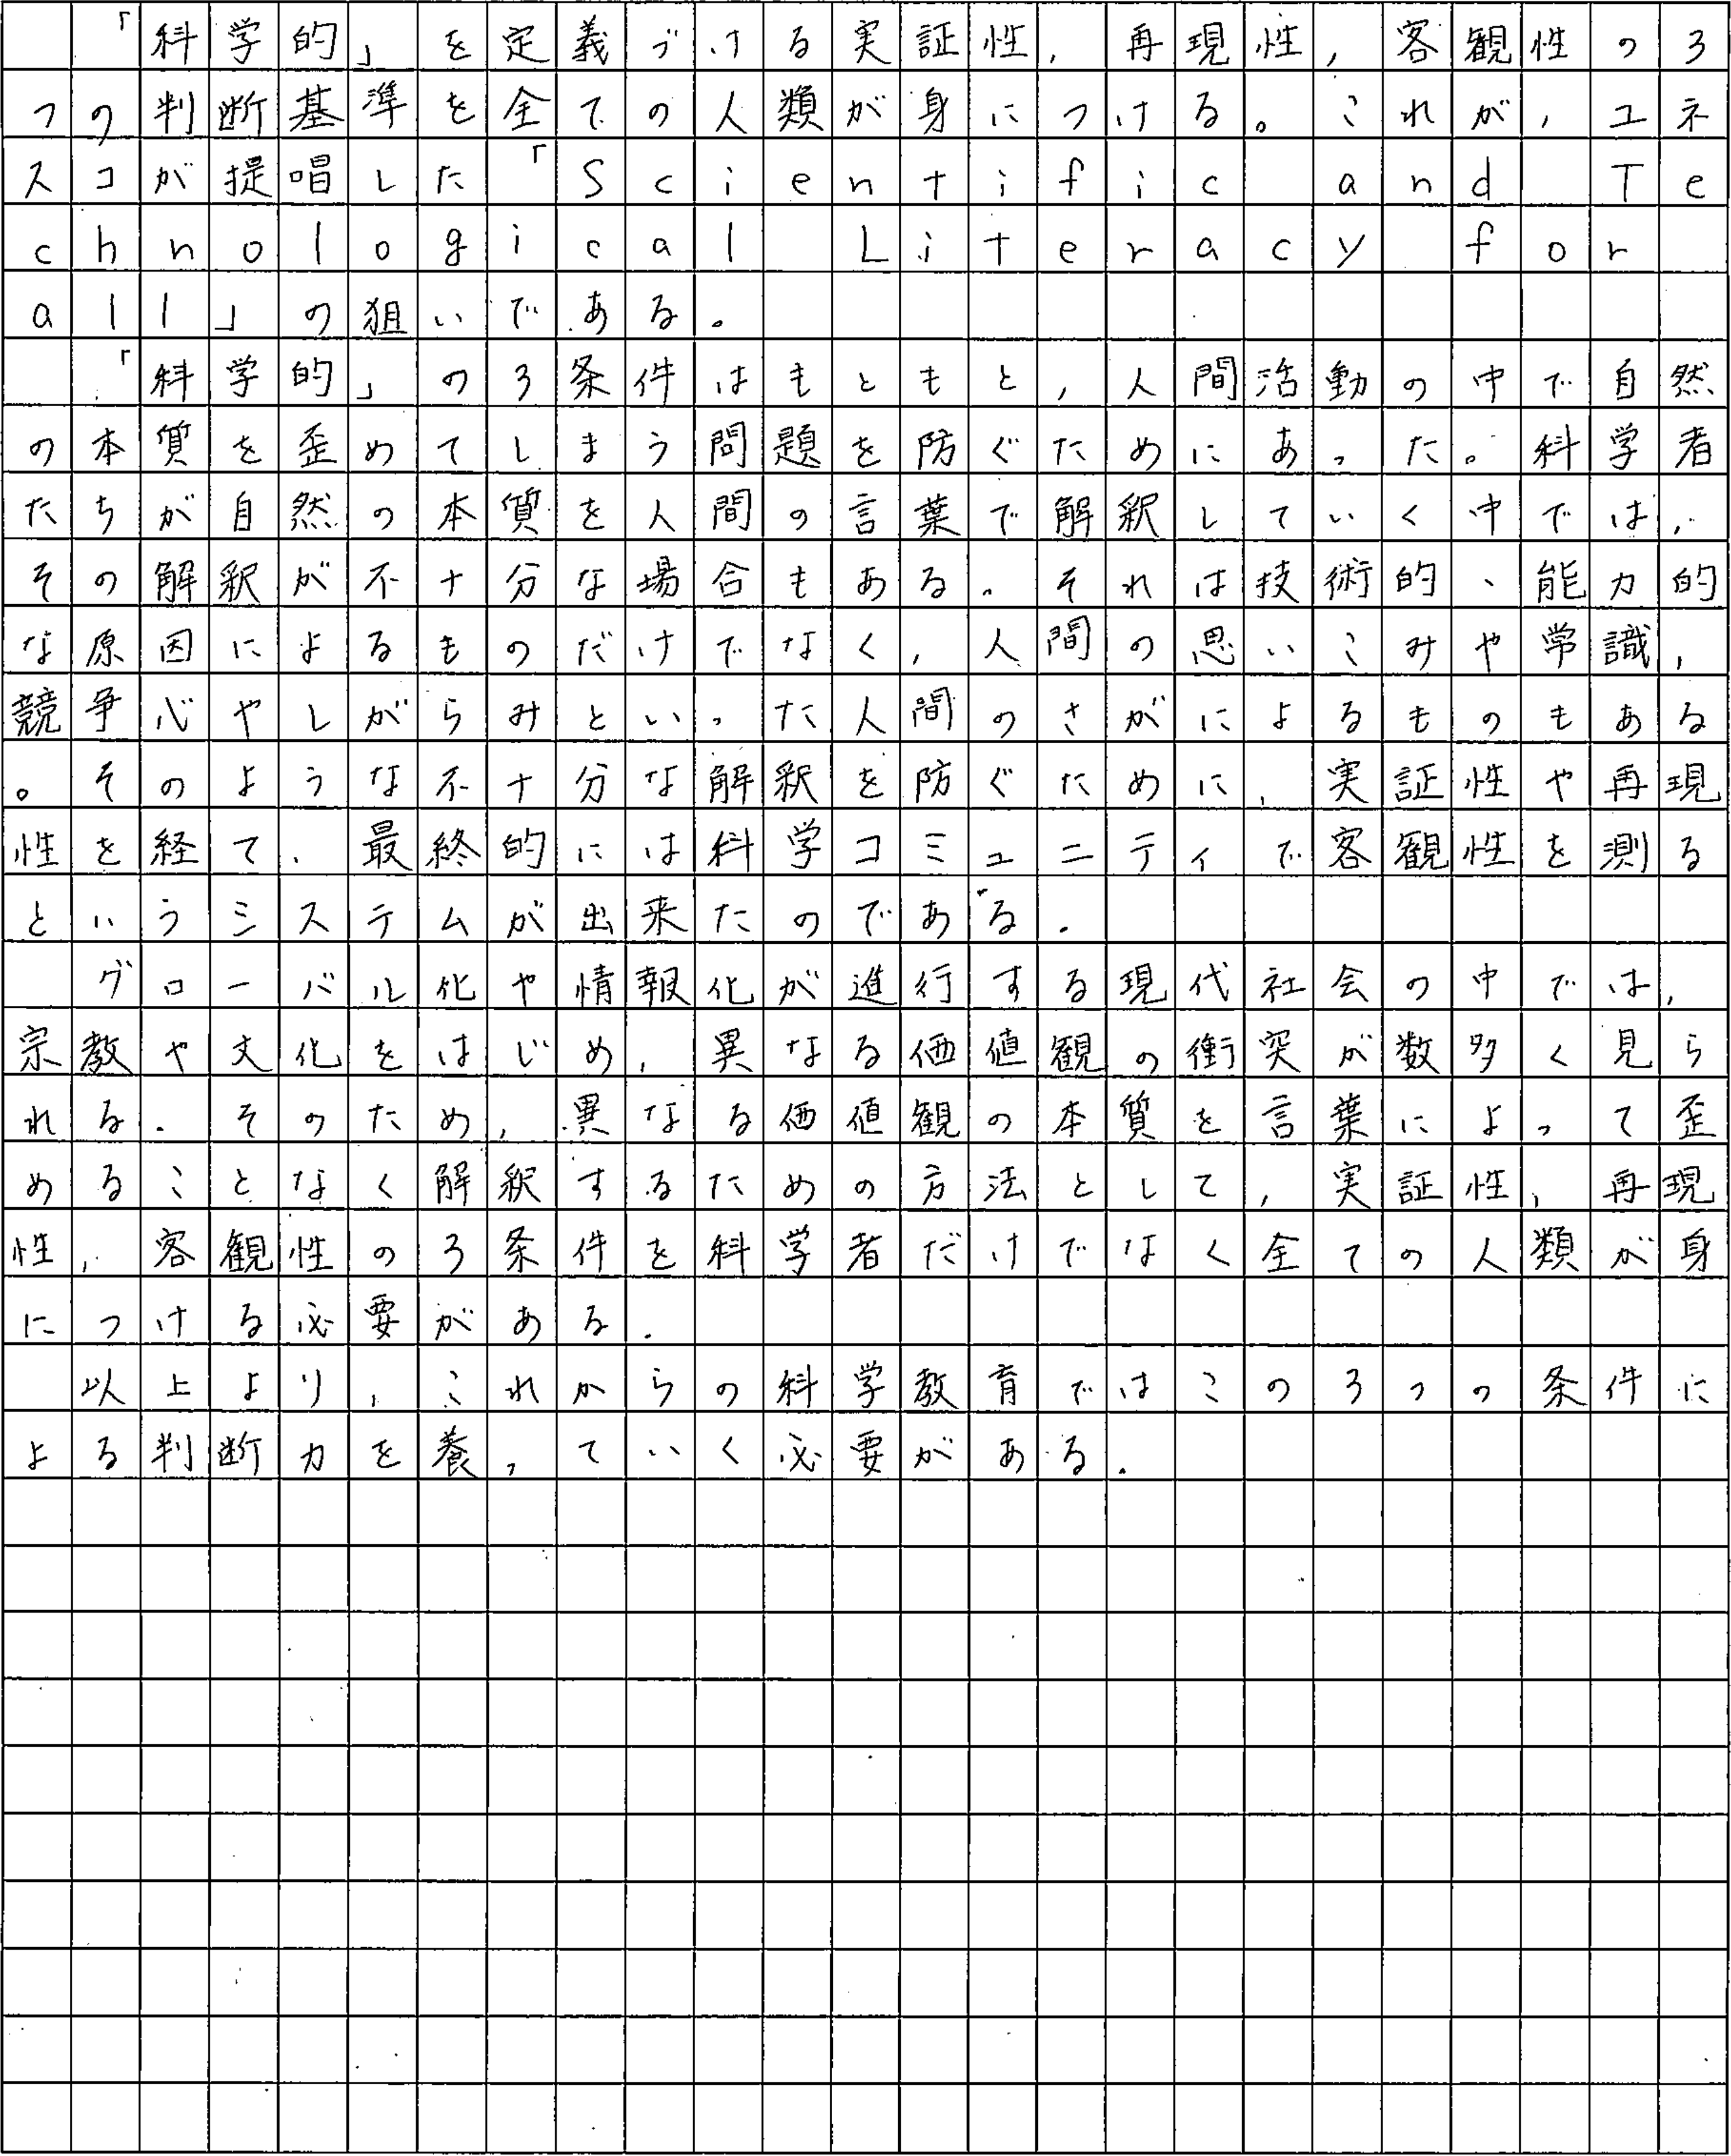　「科学的」を定義づける実証性、再現性、客観性の３つの判断基準を全ての人類が身につける。これが、ユネスコが提唱した「Ｓｃｉｅｎｔｉｆｉｃ　ａｎｄ　Ｔｅｃｈｎｏｌｏｇｉｃａｌ　Ｌｉｔｅｒａｃｙ　ｆｏｒ　ａｌｌ」の狙いである。
　「科学的」の３条件はもともと、人間活動の中で自然の本質を歪めてしまう問題を防ぐためにあった。科学者たちが自然の本質を人間の言葉で解釈していく中では、その解釈が不十分な場合もある。それは技術的、能力的な原因によるものだけでなく、人間の思いこみや常識、競争心やしがらみといった人間のさがによるものもある。そのような不十分な解釈を防ぐために、実証性や再現性を経て、最終的には科学コミュニティで客観性を測るというシステムが出来たのである。
　グローバル化や情報化が進行する現代社会の中では、宗教や文化をはじめ、異なる価値観の衝突が数多く見られる。そのため、異なる価値観の本質を言葉によって歪めることなく解釈するための方法として、実証性、再現性、客観性の３条件を科学者だけでなく全ての人類が身につける必要がある。
　以上より、これからの科学教育ではこの３つの条件による判断力を養っていく必要がある。
